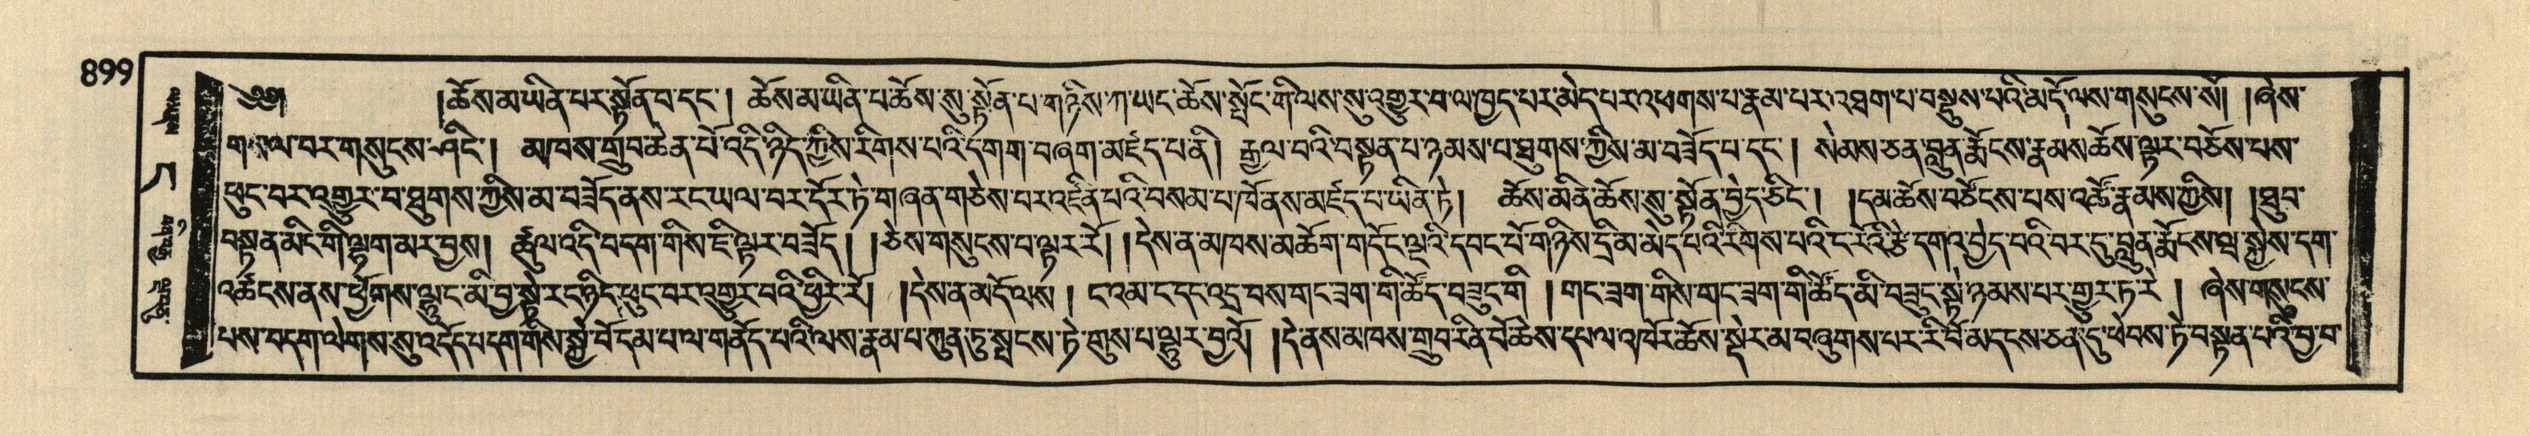༄༅། །ཆོས་མ་ཡིན་པར་སྟོན་བ་དང་། ཆོས་མ་ཡིན་པ་ཆོས་སུ་སྟོན་པ་གཉིས་ཀ་ཡང་ཆོས་སྤོང་གི་ལས་སུ་འགྱུར་བ་ལ་ཁྱད་པར་མེད་པར་འཕགས་པ་རྣམ་པར་འཐག་པ་བསྡུས་པའི་མདོ་ལས་གསུངས་སོ། །ཞེས་
གསལ་བར་གསུངས་ཤིང་། མཁས་གྲུབ་ཆེན་པོ་འདི་ཉིད་ཀྱིས་རིགས་པའི་དགག་བཞག་མཛད་པ་ནི། རྒྱལ་བའི་བསྟན་པ་ཉམས་པ་ཐུགས་ཀྱིས་མ་བཟོད་པ་དང་། སེམས་ཅན་བླུན་རྨོངས་རྣམས་ཆོས་ལྟར་བཅོས་པས་
ཕུང་བར་འགྱུར་བ་ཐུགས་ཀྱིས་མ་བཟོད་ནས་རང་ཡལ་བར་དོར་ཏེ་གཞན་གཅེས་པར་འཛིན་པའི་བསམ་པ་ཁོ་ནས་མཛད་པ་ཡིན་ཏེ། ཆོས་མིན་ཆོས་སུ་སྟོན་བྱེད་ཅིང་། །དམ་ཆོས་བཙོངས་པས་འཚོ་རྣམས་ཀྱིས། །ཐུབ་
བསྟན་མིང་གི་ལྷག་མར་བྱས། ཚུལ་འདི་བདག་གིས་ཇི་ལྟར་བཟོད། །ཅེས་གསུངས་པ་ལྟར་རོ། །དེས་ན་མཁས་མཆོག་གདོང་ལྔའི་དབང་པོ་གཉིས་དྲི་མ་མེད་པའི་རིགས་པའི་ང་རོའི་རྩེ་དགའ་བྱེད་པའི་བར་དུ་བླུན་རྨོངས་ཝ་སྐྱེས་དག་
འཚངས་ནས་ཕྱོགས་ལྷུང་མི་བྱ་སྟེ་རང་ཉིད་ཕུང་བར་འགྱུར་བའི་ཕྱིར་རོ། །དེས་ན་མདོ་ལས། ང་འམ་ང་དང་འདྲ་བས་གང་ཟག་གི་ཚོད་བཟུང་གི །གང་ཟག་གིས་གང་ཟག་གི་ཚོད་མི་བཟུང་སྟེ་ཉམས་པར་གྱུར་ཏ་རེ། ཞེས་གསུངས་
པས་བདག་ལེགས་སུ་འདོད་པ་དག་གིས་སྐྱེ་བོ་དམ་པ་ལ་གནོད་པའི་ལས་རྣམ་པ་ཀུན་ཏུ་སྤངས་ཏེ་གུས་པ་ལྷུར་བྱའོ། །དེ་ནས་མཁས་གྲུབ་རིན་པོ་ཆེས་དཔལ་འཁོར་ཆོས་སྡེར་མ་བཞུགས་པར་རི་བོ་མདངས་ཅན་དུ་ཕེབས་ཏེ་བསྟན་པའི་བྱ་བ་